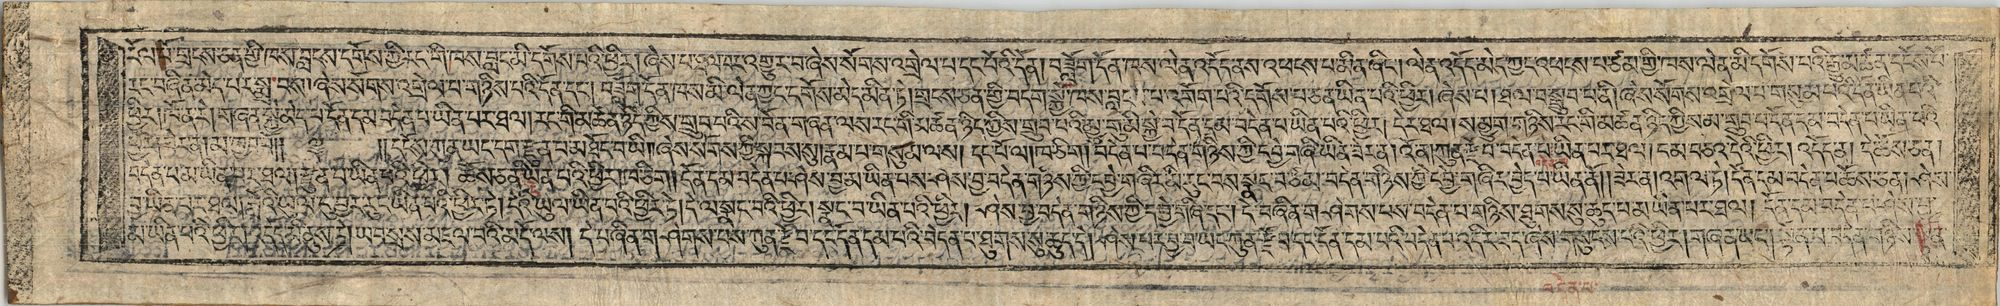རོལ་པོ་གྲངས་ཅན་གྱི་ཁས་བླངས་དགོས་ཀྱི་རང་གི་ཁས་བླང་མི་དགོས་པའི་ཕྱིར། ཞེས་པ་ཐལ་བར་འགྱུར་བ་ཞེས་སོགས་འགྲེལ་པ་དང་པོའི་དོན། བཟློག་དོན་ཁས་ལེན་འདོད་ནས་འཕངས་པ་མིན་ཞིང་། ལེན་འདོད་མེད་ཀྱང་འཕངས་པ་ཙམ་གྱི་ཁས་ལེན་མི་དགོས་པའི་རྒྱུ་མཚན་དངོས་པོ་
རང་བཞིན་མེད་པར་སྨྲ་བས། ཞེས་སོགས་འགྲེལ་བ་གཉིས་པའི་དོན་དང་། བཟློག་དོན་ཁས་མི་ལེན་ཀྱང་དགོས་མེད་མིན་ཏེ། གྲངས་ཅན་གྱི་བདག་སྐྱེ་ཁས་བླངས་པ་འགོག་པའི་དགོས་པ་ཅན་ཡིན་པའི་ཕྱིར། ཞེས་པ། ཐལ་བསྒྲུབ་པ་ནི། ཞེས་སོགས་འགྲེལ་པ་གསུམ་པའི་དོན་ཡིན་པའི་
ཕྱིར། ཁོ་ན་རེ། གཞན་སྐྱེ་མེད་པ་དོན་དམ་བདེན་པ་ཡིན་པར་ཐལ། རང་གི་མཚན་ཉིད་ཀྱིས་གྲུབ་པའི་ས་བོན་གཞན་ལས་རང་གི་མཚན་ཉིད་ཀྱིས་གྲུབ་པའི་མྱུ་གུ་མི་སྐྱེ་བ་དོན་དམ་བདེན་པ་ཡིན་པའི་ཕྱིར། དེར་ཐལ། ས་མྱུག་གཉིས་རང་གི་མཚན་ཉིད་ཀྱིས་མ་གྲུབ་པ་དོན་དམ་བདེན་པ་ཡིན་པའི་
ཕྱིར། ཟེར་ན། མ་ཁྱབ་བོ།། ༈ །།དངོས་ཀུན་ཡང་དག་རྫུནྤ་མཐོང་བ་ཡི། །ཞེས་སོགས་ཀྱི་སྐབས་སུ། རྣམ་པ་གསུམ་ལས། དང་པོ་ལ། ཁ་ཅིག །བདེན་པ་བདེན་གཉིས་ཀྱི་དབྱེ་གཞི་ཡིན་ཟེར་ན། འོ་ན། ཀུན་རྫོབ་བདེན་པ་བདེན་པ་ཡིན་པར་ཐལ། དམ་བཅའ་དེའི་ཕྱིར། འདོད་ན། དེ་ཆོས་ཅན།
བདེན་པ་མ་ཡིན་པར་ཐལ། རྫུནྤ་ཡིན་པའི་ཕྱིར། ཆོས་ཅན་དེ་ཡིན་པའི་ཕྱིར། ཁ་ཅིག །དོན་དམ་བདེན་པ་ཤེས་བྱ་མ་ཡིན་པས་ཤེས་བྱ་བདེན་གཉིས་ཀྱི་དབྱེ་གཞིར་མི་རུང་བས་སྣང་བ་ཙམ་བདེན་གཉིས་ཀྱི་དབྱེ་གཞིར་བྱེད་པ་ཡིན་ནོ། །ཟེར་ན། འགལ་ཏེ། དོན་དམ་བདེན་པ་ཆོས་ཅན། ཤེས་
བྱ་ཡིན་པར་ཐལ། བློའི་ཡུལ་དུ་བྱར་རུང་ཡིན་པའི་ཕྱིར་ཏེ། དེའི་ཡུལ་ཡིན་པའི་ཕྱིར་ཏེ། དེ་ལ་སྣང་བའི་ཕྱིར། སྣང་བ་ཡིན་པའི་ཕྱིར། ཤེས་བྱ་བདེན་གཉིས་ཀྱི་དབྱེ་གཞི་དང་། དེ་བཞིན་གཤེགས་པས་བདེན་པ་གཉིས་ཐུགས་སུ་ཆུད་པ་མ་ཡིན་པར་ཐལ། དོན་དམ་བདེན་པ་ཤེས་བྱ་
མ་ཡིན་པའི་ཕྱིར། འདོད་མི་ནུས་ཏེ། ཡབ་སྲས་མཇལ་བའི་མདོ་ལས། དེ་བཞིན་གཤེགས་པས་ཀུན་རྫོབ་དང་དོན་དམ་པའི་བདེན་པ་ཐུགས་སུ་ཆུད་དེ། ཤེས་པར་བྱ་བ་ཡང་ཀུན་རྫོབ་དང་དོན་དམ་པའི་བདེན་པ་འདིར་ཟད་ཞེས་གསུངས་པའི་ཕྱིར། གཞན་ཡང་། སྟོན་པ་བདེན་གཉིས་